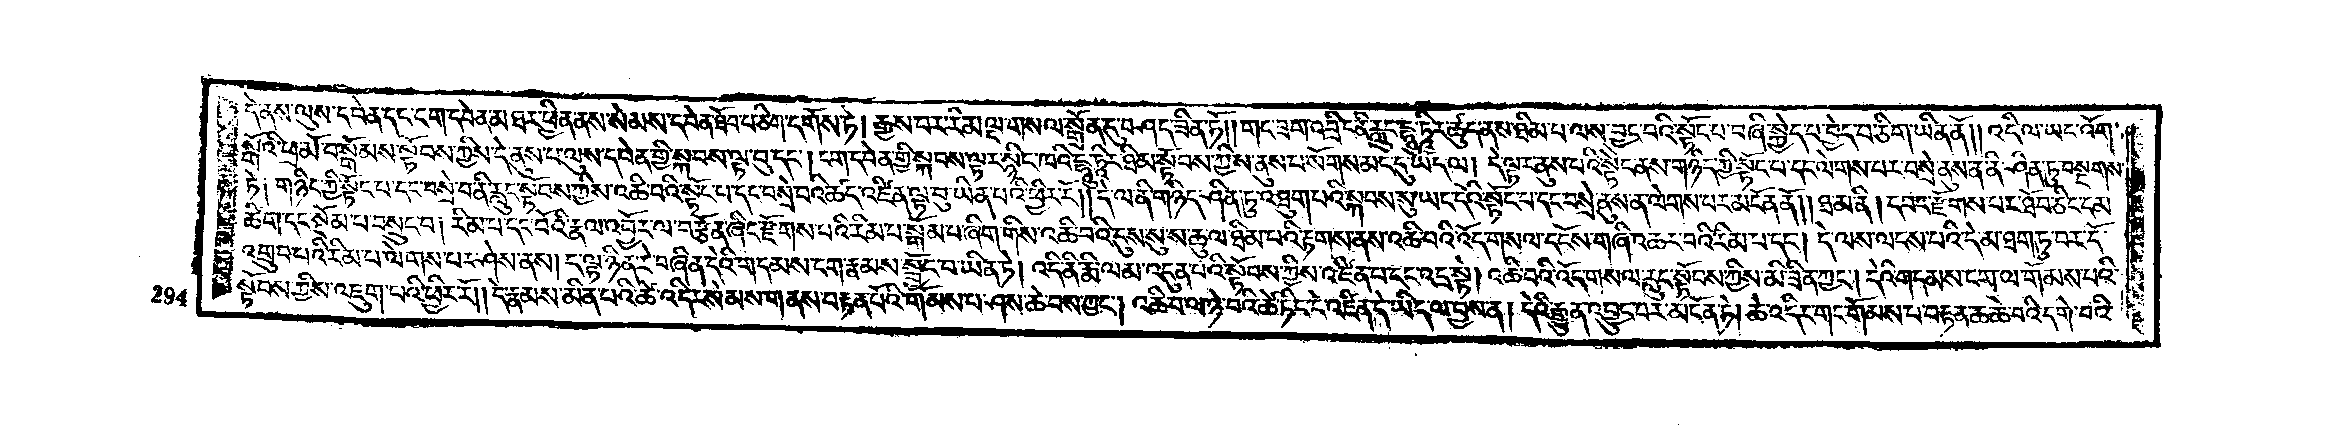དེ་ནས་ལུས་དབེན་དང་ངག་དབེན་མཐར་ཕྱིན་ནས་སེམས་དབེན་ཐོབ་པ་ཅིག་དགོས་ཏེ། རྒྱས་པར་རིམ་ལྔ་གསལ་སྒྲོན་དུ་བཤད་ཟིན་ཏོ། །གང་ཟག་འབྲིང་ནི་རླུང་དྷཱུ་ཏཱིར་ཚུད་ནས་ཐིམ་པ་ལས་བྱང་བའི་སྟོང་པ་བཞི་སྐྱེད་པ་བྱེད་པ་ཅིག་ཡིན་ནོ། །འདི་ལ་ཡང་འོག་
སྒོའི་ཕྲ་མོ་བསྒོམས་སྟོབས་ཀྱིས་དེ་ནུས་པ་ལུས་དབེན་གྱི་སྐབས་ལྟ་བུ་དང་། ངག་དབེན་གྱི་སྐབས་ལྟར་སྙིང་ཁའི་དྷཱུ་ཏཱིར་ཐིམ་སྟོབས་ཀྱིས་ནུས་པ་སོགས་མང་དུ་ཡོད་ལ། དེ་ལྟར་ནུས་པའི་སྟེང་ནས་གཉིད་ཀྱི་སྟོང་པ་དང་ལེགས་པར་བསྲེ་ནུས་ན་ནི་ཤིན་ཏུ་བསྔགས་
ཏེ། གཉིད་ཀྱི་སྟོང་པ་དང་བསྲེ་བ་ནི་རླུང་སྟོབས་ཀྱིས་འཆི་བའི་སྟོང་པ་དང་བསྲེ་བའི་ཚད་འཛིན་ལྟ་བུ་ཡིན་པའི་ཕྱིར་རོ། །དེ་ལ་ནི་གཉིད་ཤིན་ཏུ་འཐུག་པའི་སྐབས་སུ་ཡང་དེའི་སྟོང་པ་དང་བསྲེ་ནུས་ན་ལེགས་པར་མངོན་ནོ། །ཐ་མ་ནི། དབང་རྫོགས་པར་ཐོབ་ཅིང་དམ་
ཚིག་དང་སྡོམ་པ་བསྲུང་བ། རིམ་པ་དང་པོའི་རྣལ་འབྱོར་ལ་བརྩོན་ཞིང་རྫོགས་པའི་རིམ་པ་སྒོམ་པ་ཞིག་གིས་འཆི་བའི་དུས་སུ་ས་ཆུ་ལ་ཐིམ་པའི་རྟགས་ནས་འཆི་བའི་འོད་གསལ་དངོས་གཞི་འཆར་བའི་རིམ་པ་དང་། དེ་ལས་ལངས་པའི་དེ་མ་ཐག་ཏུ་བར་དོ་
འགྲུབ་པའི་རིམ་པ་ལེགས་པར་ཤེས་ནས། ད་ལྟ་ཉིན་རེ་བཞིན་དེའི་གདམས་ངག་རྣམས་སྦྱོང་བ་ཡིན་ཏེ། འདི་ནི་རྨི་ལམ་འདུན་པའི་སྟོབས་ཀྱིས་འཛིན་པ་དང་འདྲ་སྟེ། འཆི་བའི་འོད་གསལ་རླུང་སྟོབས་ཀྱིས་མི་ཟིན་ཀྱང་། དེའི་གདམས་ངག་ལ་གོམས་པའི་
སྟོབས་ཀྱིས་འཇུག་པའི་ཕྱིར་རོ། །དེ་རྣམས་མིན་པའི་ཚེ་འདིར་སེམས་གནས་བརྟན་པོའི་གོམས་པ་ཤས་ཆེ་བས་ཀྱང་། འཆི་བ་ལ་ཉེ་བའི་ཚེ་ཏིང་ངེ་འཛིན་དེ་ཡིད་ལ་བྱས་ན། དེའི་རྒྱུན་འབྱུང་བར་མངོན་ཏེ། ཆེ་འདིར་གང་གོམས་པ་བརྟན་ཆ་ཆེ་བའི་དགེ་བའི་